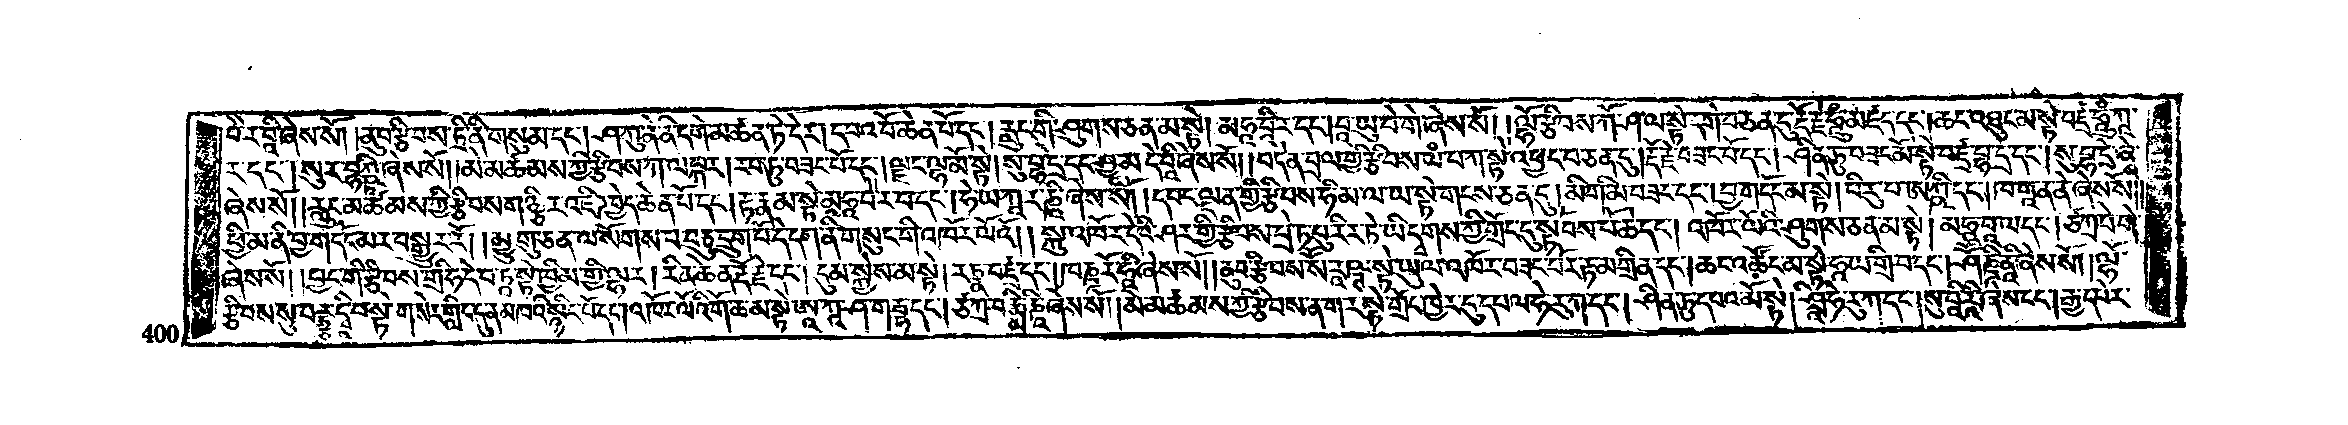བཻ་ར་བཱི་ཞེས་སོ། །ནུབ་རྩིབས་ཏྲི་ནི་གསུམ་དང་། ཤ་ཀུ་ནེ་ནི་དགེ་མཚན་ཏེ་དེར། དཔའ་བོ་ཆེན་པོ་དང་། རླུང་གི་ཤུགས་ཅན་མ་སྟེ། མཧཱ་བཱི་ར་དང་། བཱ་ཡུ་བེ་གེ་ཞེས་སོ། །ལྷོ་རྩིབས་ཀོ་ཤ་ལ་སྟེ་དགེ་བ་ཅན་དུ་རྡོ་རྗེ་ཧཱུཾ་མཛད་དང་། ཆང་འཐུང་མ་སྟེ་བཛྲ་ཧཱུཾ་ཀཱ་
ར་དང་། སུ་ར་བྷ་ཀྵཱི་ཞེས་སོ། །མ་མཚམས་ཀྱི་རྩིབས་ཀ་ལེངྐ་ར། རབ་ཏུ་བཟང་པོ་དང་། ལྗང་ལྷ་མོ་སྟེ། སུ་བྷ་དྲེ་དང་ཤྱཱ་མ་དེ་བཱི་ཞེས་སོ། །བདེན་བྲལ་གྱི་རྩིབས་ལཾ་པ་ཀ་སྟེ་འཕྱང་བ་ཅན་དུ། རྡོ་རྗེ་བཟང་པོ་དང་། ཤིན་ཏུ་བཟང་པོ་སྟེ་བཛྲ་བྷ་དྲ་དང་། སུ་བྷ་དྲེ་ཞེས་
ཞེས་སོ། །རླུང་མཚམས་ཀྱི་རྩིབས་ཀཉྩིར་འཇིགས་བྱེད་ཆེན་པོ་དང་། རྟ་རྣམ་སྟེ་མཧཱ་བཻ་ར་བ་དང་། ཧེ་ཡ་ཀཱ་ར་ཎཱི་ཞེས་སོ། །དབང་ལྡན་གྱི་རྩིབས་ཧི་མ་ལ་ཡ་སྟེ་གངས་ཅན་དུ། །མིག་མི་བཟང་དང་། བྱ་གདོང་མ་སྟེ། བི་རུ་པ་ཨཀྵི་དང་། ཁ་གཱ་ན་ནེ་ཞེས་སོ། །
ཕྱི་མ་ནི་བྱ་གདོང་མར་བསྒྱུར་རོ། །མྱུ་གུ་ཅན་ལ་སོགས་པ་བཅུ་དྲུག་པོ་དེ་དག་ནི་གསུང་གི་འཁོར་ལོའོ། །སྐུ་འཁོར་དེའི་ཤར་གྱི་རྩིབས་པྲེ་ཏ་པུ་རིར་ཏེ་ཡི་དྭགས་ཀྱི་གྲོང་དུ་སྟོབས་པོ་ཆེ་དང་། འཁོར་ལོའི་ཤུགས་ཅན་མ་སྟེ། མཧཱ་བཱ་ལ་དང་། ཙྐྲ་བེ་གེ་
ཞེས་སོ། །བྱང་གི་རྩིབས་གྲི་ཧ་དེ་བ་ཏཱ་སྟེ་ཁྱིམ་གྱི་ལྷར། རིན་ཆེན་རྡོ་རྗེ་དང་། དུམ་སྐྱེས་མ་སྟེ། རྟྣ་བཛྲ་དང་། ཁཎྜ་རོ་ཧཱི་ཞེས་སོ། །ནུབ་རྩིབས་སཽ་རྰྴྟ་སྟེ་ཡུལ་འཁོར་བཟང་པོར་རྟ་མགྲིན་དང་། ཆང་འཚོང་མ་སྟེ་ཧཱ་ཡ་གྲི་བ་དང་། ཤཽཎྜི་ནཱི་ཞེས་སོ། །ལྷོ་
རྩིགས་སུ་བརྷྞ་དྭཱི་བ་སྟེ་གསེར་གླིང་དུ་ནམ་མཁའི་སྙིང་པོ་དང་། འཁོར་ལོའི་གོ་ཆ་མ་སྟེས་ཨཱ་ཀཱ་ཤ་གརྦྷ་དང་། ཙ་ཀྲ་བ་རྨྨི་ཎཱི་ཞེས་སོ། །མེ་མཚམས་ཀྱི་རྩིབས་ན་ག་ར་སྟེ་གྲོང་ཁྱེར་དུ་དཔལ་ཧེ་རུ་ཀ་དང་ཤིན་ཏུ་དཔའ་མོ་སྟེ། ཤྲཱི་ཧེ་རུ་ཀ་དང་། སུ་བཱི་རཱི་ཞེས་དང་། རྒྱ་དཔེར་